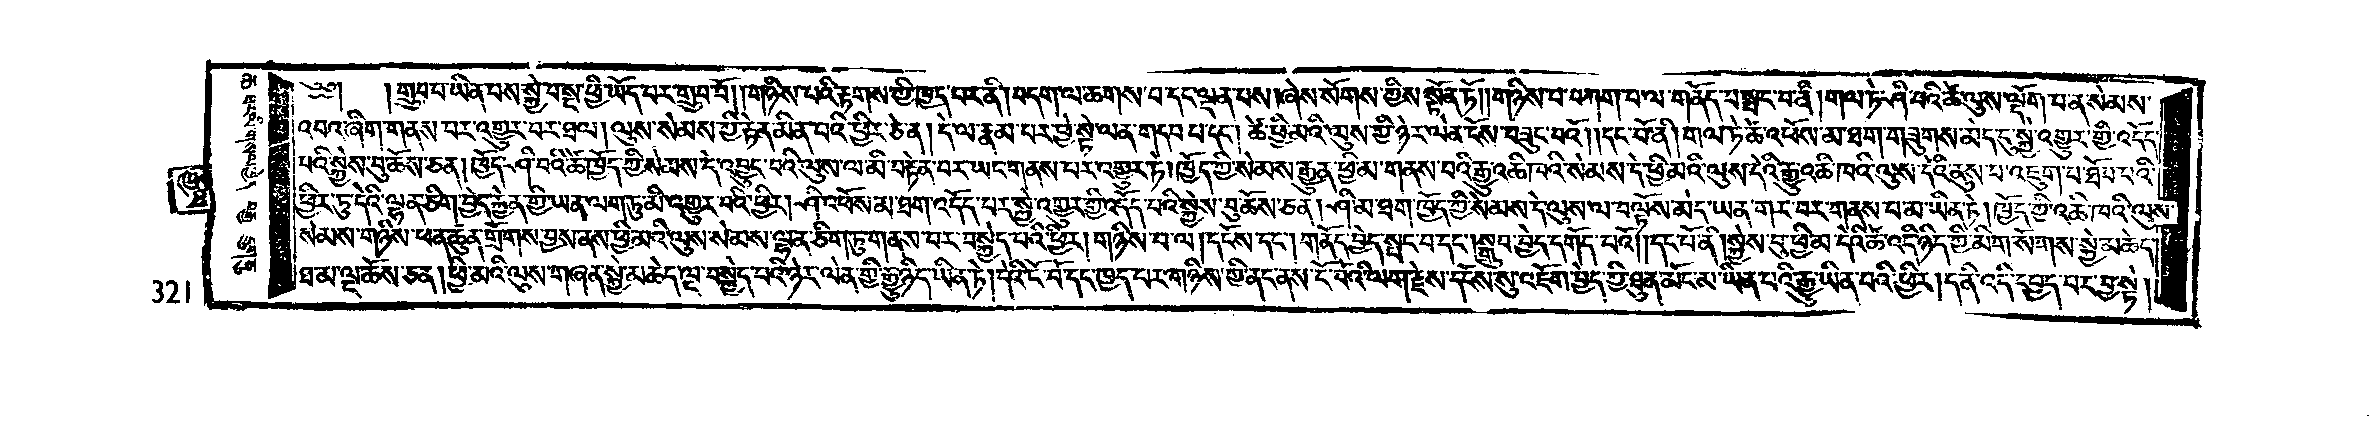༄༅། །གྲུབ་པ་ཡིན་པས་སྐྱེ་བ་སྔ་ཕྱི་ཡོད་པར་གྲུབ་བོ། །གཉིས་པའི་རྟགས་ཀྱི་ཁྱད་པར་ནི། བདག་ལ་ཆགས་པ་དང་ལྡན་པས། ཞེས་སོགས་ཀྱིས་སྟོན་ཏོ། །གཉིས་པ་བཀག་པ་ལ་གནོད་པ་སྤང་བ་ནི། གལ་ཏེ་ཤི་བའི་ཚེ་ལུས་ལྡོག་པ་ན་སེམས་
འབའ་ཞིག་གནས་པར་འགྱུར་བར་ཐལ། ལུས་སེམས་ཀྱི་རྟེན་མིན་པའི་ཕྱིར་ཅེ་ན། དེ་ལ་རྣམ་པར་ཕྱེ་སྟེ་ལན་གདབ་པ་དང་། ཚེ་ཕྱི་མའི་ལུས་ཀྱི་ཉེར་ལེན་ངོས་བཟུང་བའོ། །དང་པོ་ནི། གལ་ཏེ་ཚེ་འཕོས་མ་ཐག་གཟུགས་མེད་དུ་སྐྱེ་འགྱུར་གྱི་འདོད་
པའི་སྐྱེས་བུ་ཆོས་ཅན། ཁྱོད་ཤི་བའི་ཚེ་ཁྱོད་ཀྱི་སེམས་དེ་འབྱུང་བའི་ལུས་ལ་མི་བརྟེན་པར་ཡང་གནས་པར་འགྱུར་ཏེ། ཁྱོད་ཀྱི་སེམས་རྒྱུན་ཕྱི་མ་གནས་པའི་རྒྱུ་འཆི་ཁའི་སེམས་དེ་ཕྱི་མའི་ལུས་དེའི་རྒྱུ་འཆི་ཁའི་ལུས་དེའི་ནུས་པ་འཇུག་པ་ཐོབ་པའི་
ཕྱིར་ཏུ་དེའི་ལྷན་ཅིག་བྱེད་རྐྱེན་གྱི་ཡན་ལག་ཏུ་མི་འགྱུར་བའི་ཕྱིར། ཤི་འཕོས་མ་ཐག་འདོད་པར་སྐྱེ་འགྱུར་གྱི་འདོད་པའི་སྐྱེས་བུ་ཆོས་ཅན། ཤི་མ་ཐག་ཁྱོད་ཀྱི་སེམས་དེ་ལུས་ལ་བལྟོས་མེད་ཡན་གར་བར་གནས་པ་མ་ཡིན་ཏེ། ཁྱོད་ཀྱི་འཆི་ཁའི་ལུས་
སེམས་གཉིས་ཕན་ཚུན་གྲོགས་བྱས་ནས་ཕྱི་མའི་ལུས་སེམས་ལྷན་ཅིག་ཏུ་གནས་པར་བསྐྱེད་པའི་ཕྱིར། གཉིས་པ་ལ། དངོས་དང་། གནོད་བྱེད་སྤང་བ་དང་། སྒྲུབ་བྱེད་དགོད་པའོ། །དང་པོ་ནི། སྐྱེས་བུ་ཕྱི་མ་དེའི་ཚེ་འདི་ཉིད་ཀྱི་མིག་སོགས་སྐྱེ་མཆེད་
ཐ་མ་ལྔ་ཆོས་ཅན། ཕྱི་མའི་ལུས་གཞན་སྐྱེ་མཆེད་ལྔ་བསྐྱེད་པའི་ཉེར་ལེན་གྱི་རྒྱུ་ཉིད་ཡིན་ཏེ། དེའི་ངོ་བོ་དང་ཁྱད་པར་གཉིས་ཀྱི་ནང་ནས་ངོ་བོའི་ལག་རྗེས་དངོས་སུ་འཇོག་བྱེད་ཀྱི་ཐུན་མོང་མ་ཡིན་པའི་རྒྱུ་ཡིན་པའི་ཕྱིར། ད་ནི་འདི་དཔྱད་པར་བྱ་སྟེ།